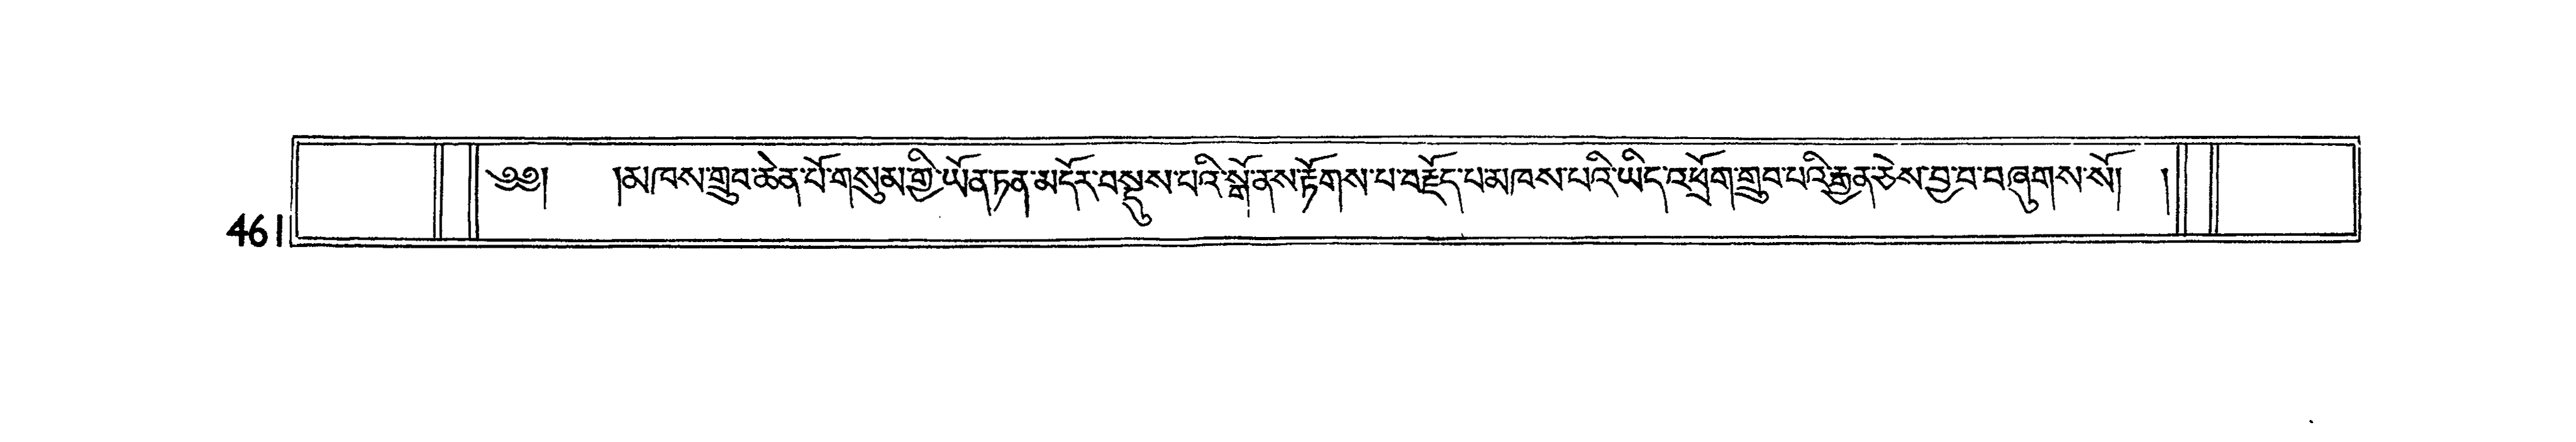༄༅། །མཁས་གྲུབ་ཆེན་པོ་གསུམ་གྱི་ཡོན་ཏན་མདོར་བསྡུས་པའི་སྒོ་ནས་རྟོགས་པ་བརྗོད་པ་མཁས་པའི་ཡིད་འཕྲོག་གྲུབ་པའི་རྒྱན་ཅེས་བྱ་བ་བཞུགས་སོ། །